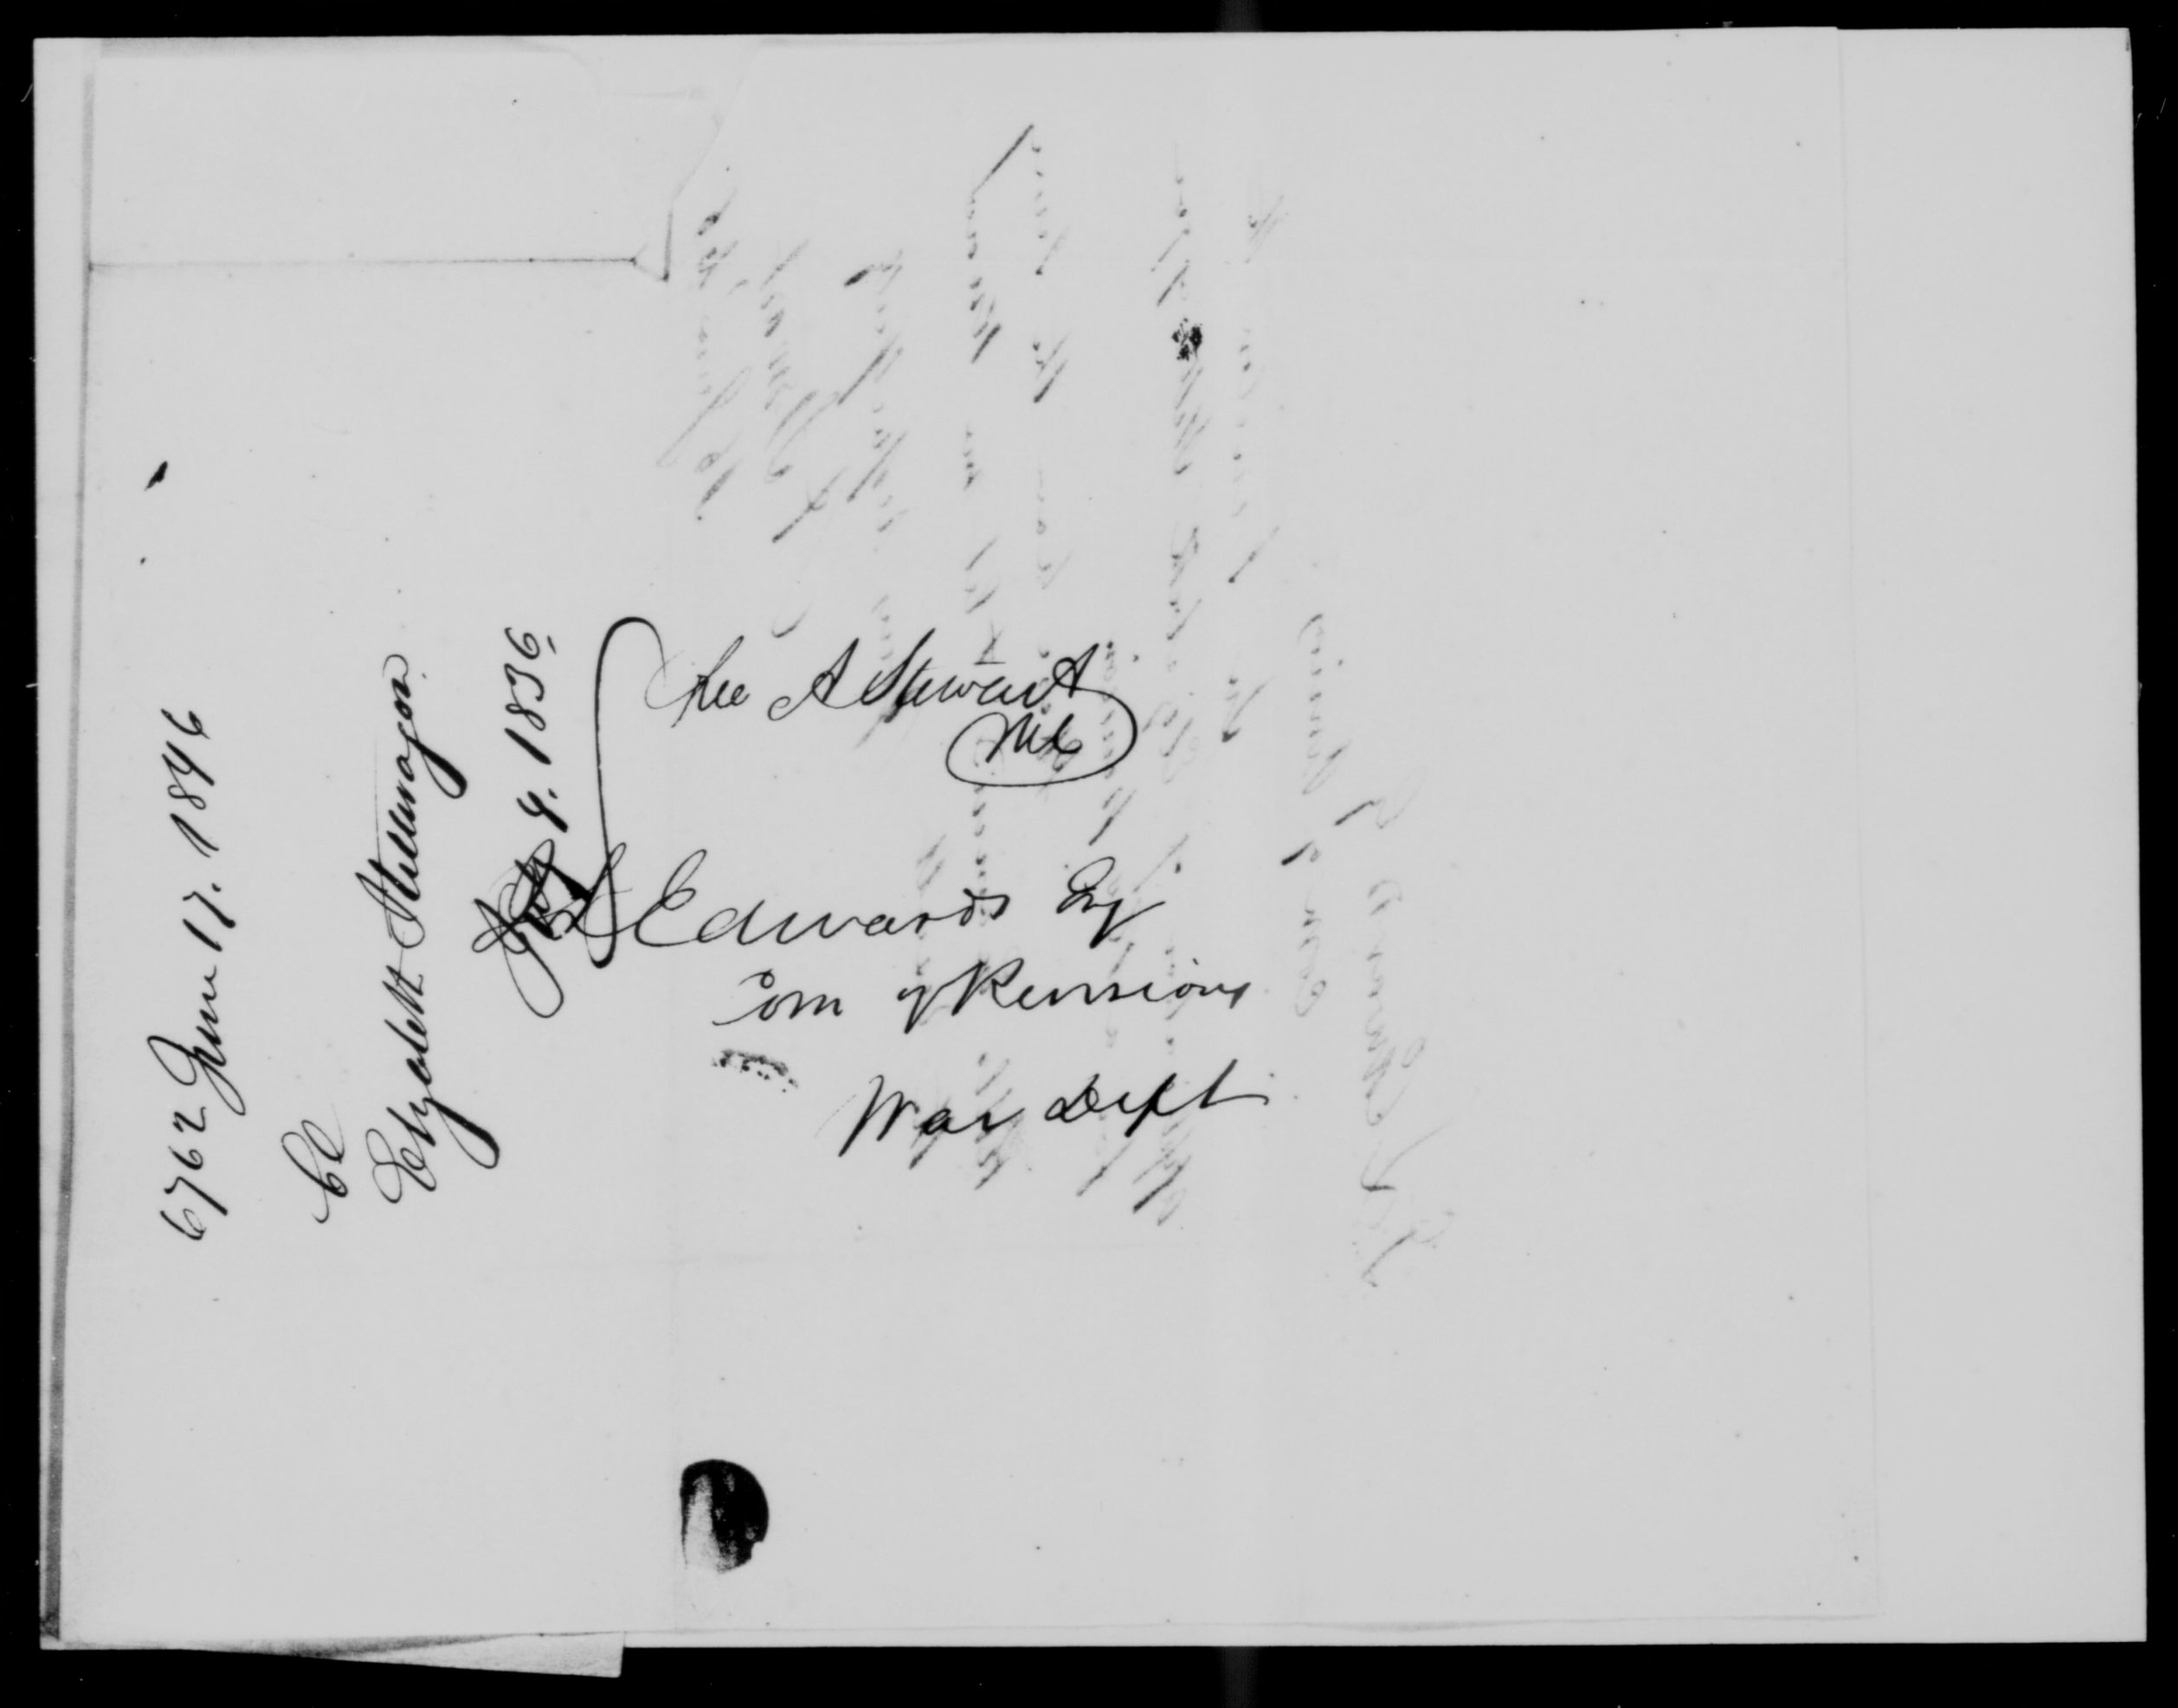[written vertically] 6762 June 17, 1846
Cc
Elizabeth Stillwagon
July 8, 1836 [written vertically]

[illegible] A Stewart
[initials?]

J. L. Edwards Esq
Com of Pensions
War Dept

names: J L Edwards; A Stewart; Elzabeth Stillwagon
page: 57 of 73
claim: widow's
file: W. 3197, for Peter Stillwagon, New Jersey